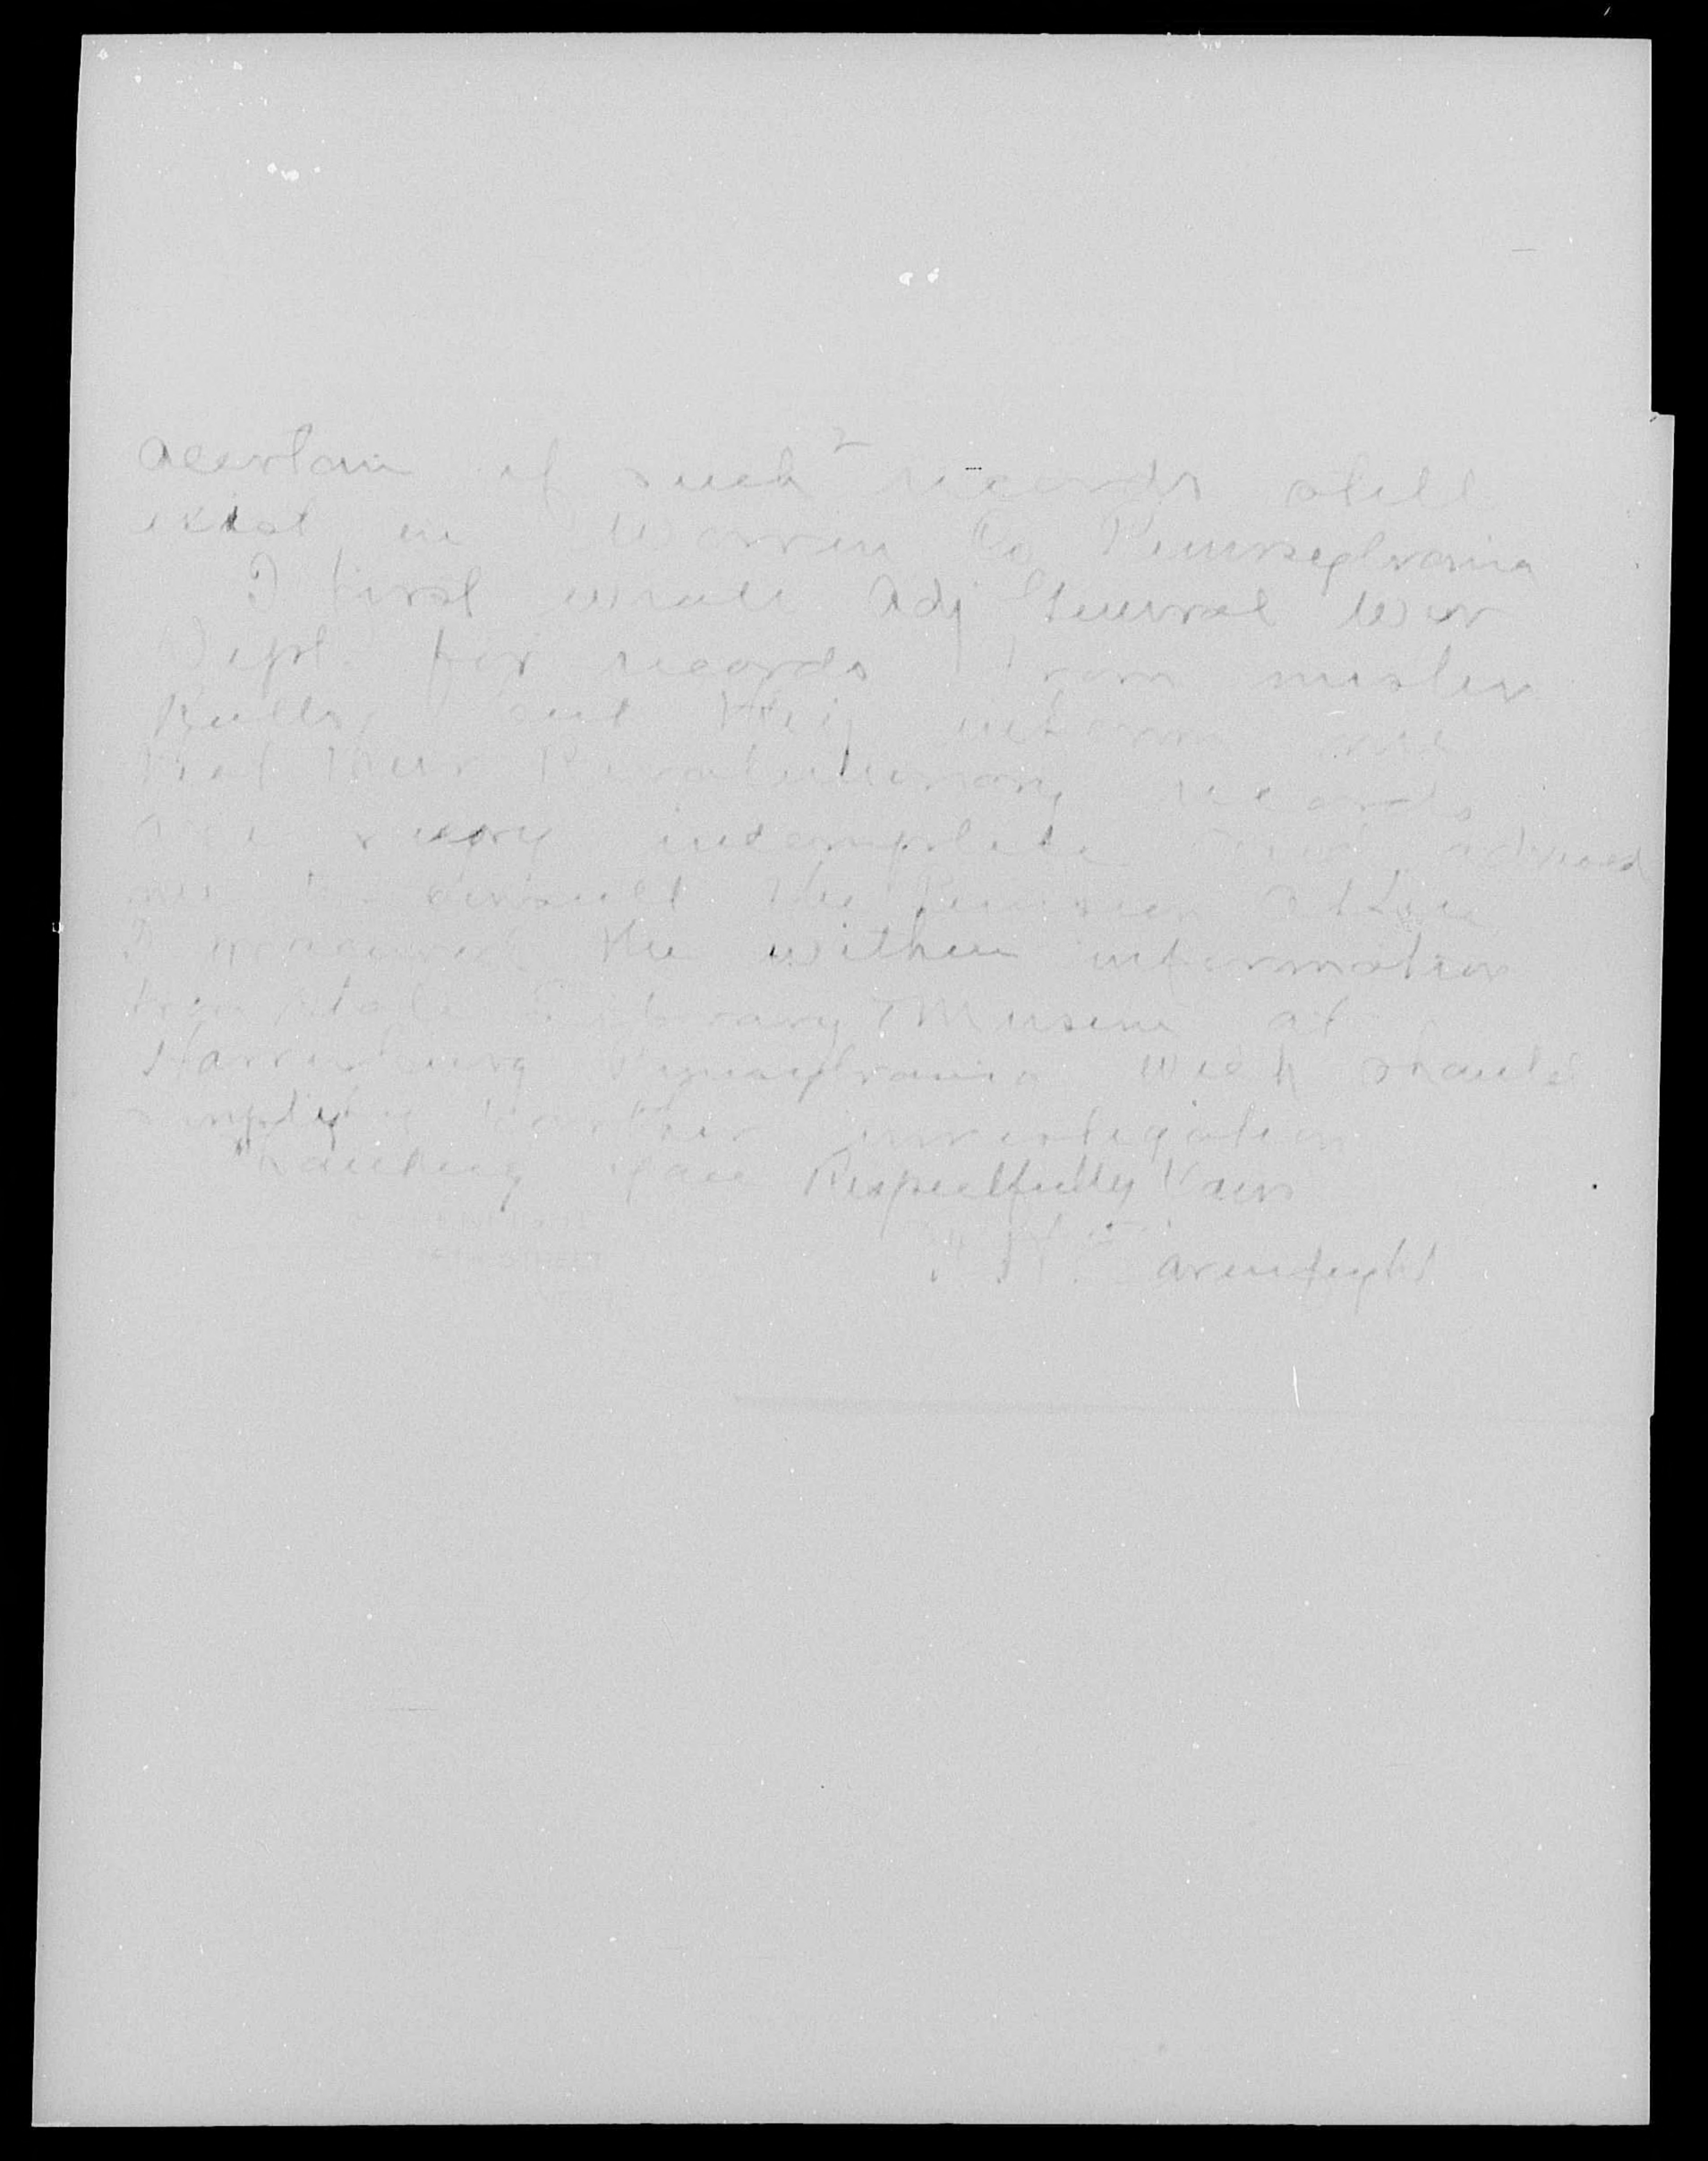acertain [sic] if such records still
exist in Warren Co. Pennsylvania.
I first wrote Adj. General War
Dept. for records from master
Rolls, but they informed me
their Revolutionary records
are very incomplete and advised
me to [illegible] the Pension Office
to [illegible] the wither [sic] information
from [illegible] Revolutionary Mission at
Harrisburg, Pennsylvania which should
amplify other information [illegible]
[illegible]. Respectfully,
R.R. Earenfight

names: R R Earenfight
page: 16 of 21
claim: survivor's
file: S. 42691, Jacob Earenfight, Continental Ohio Residence And Agency